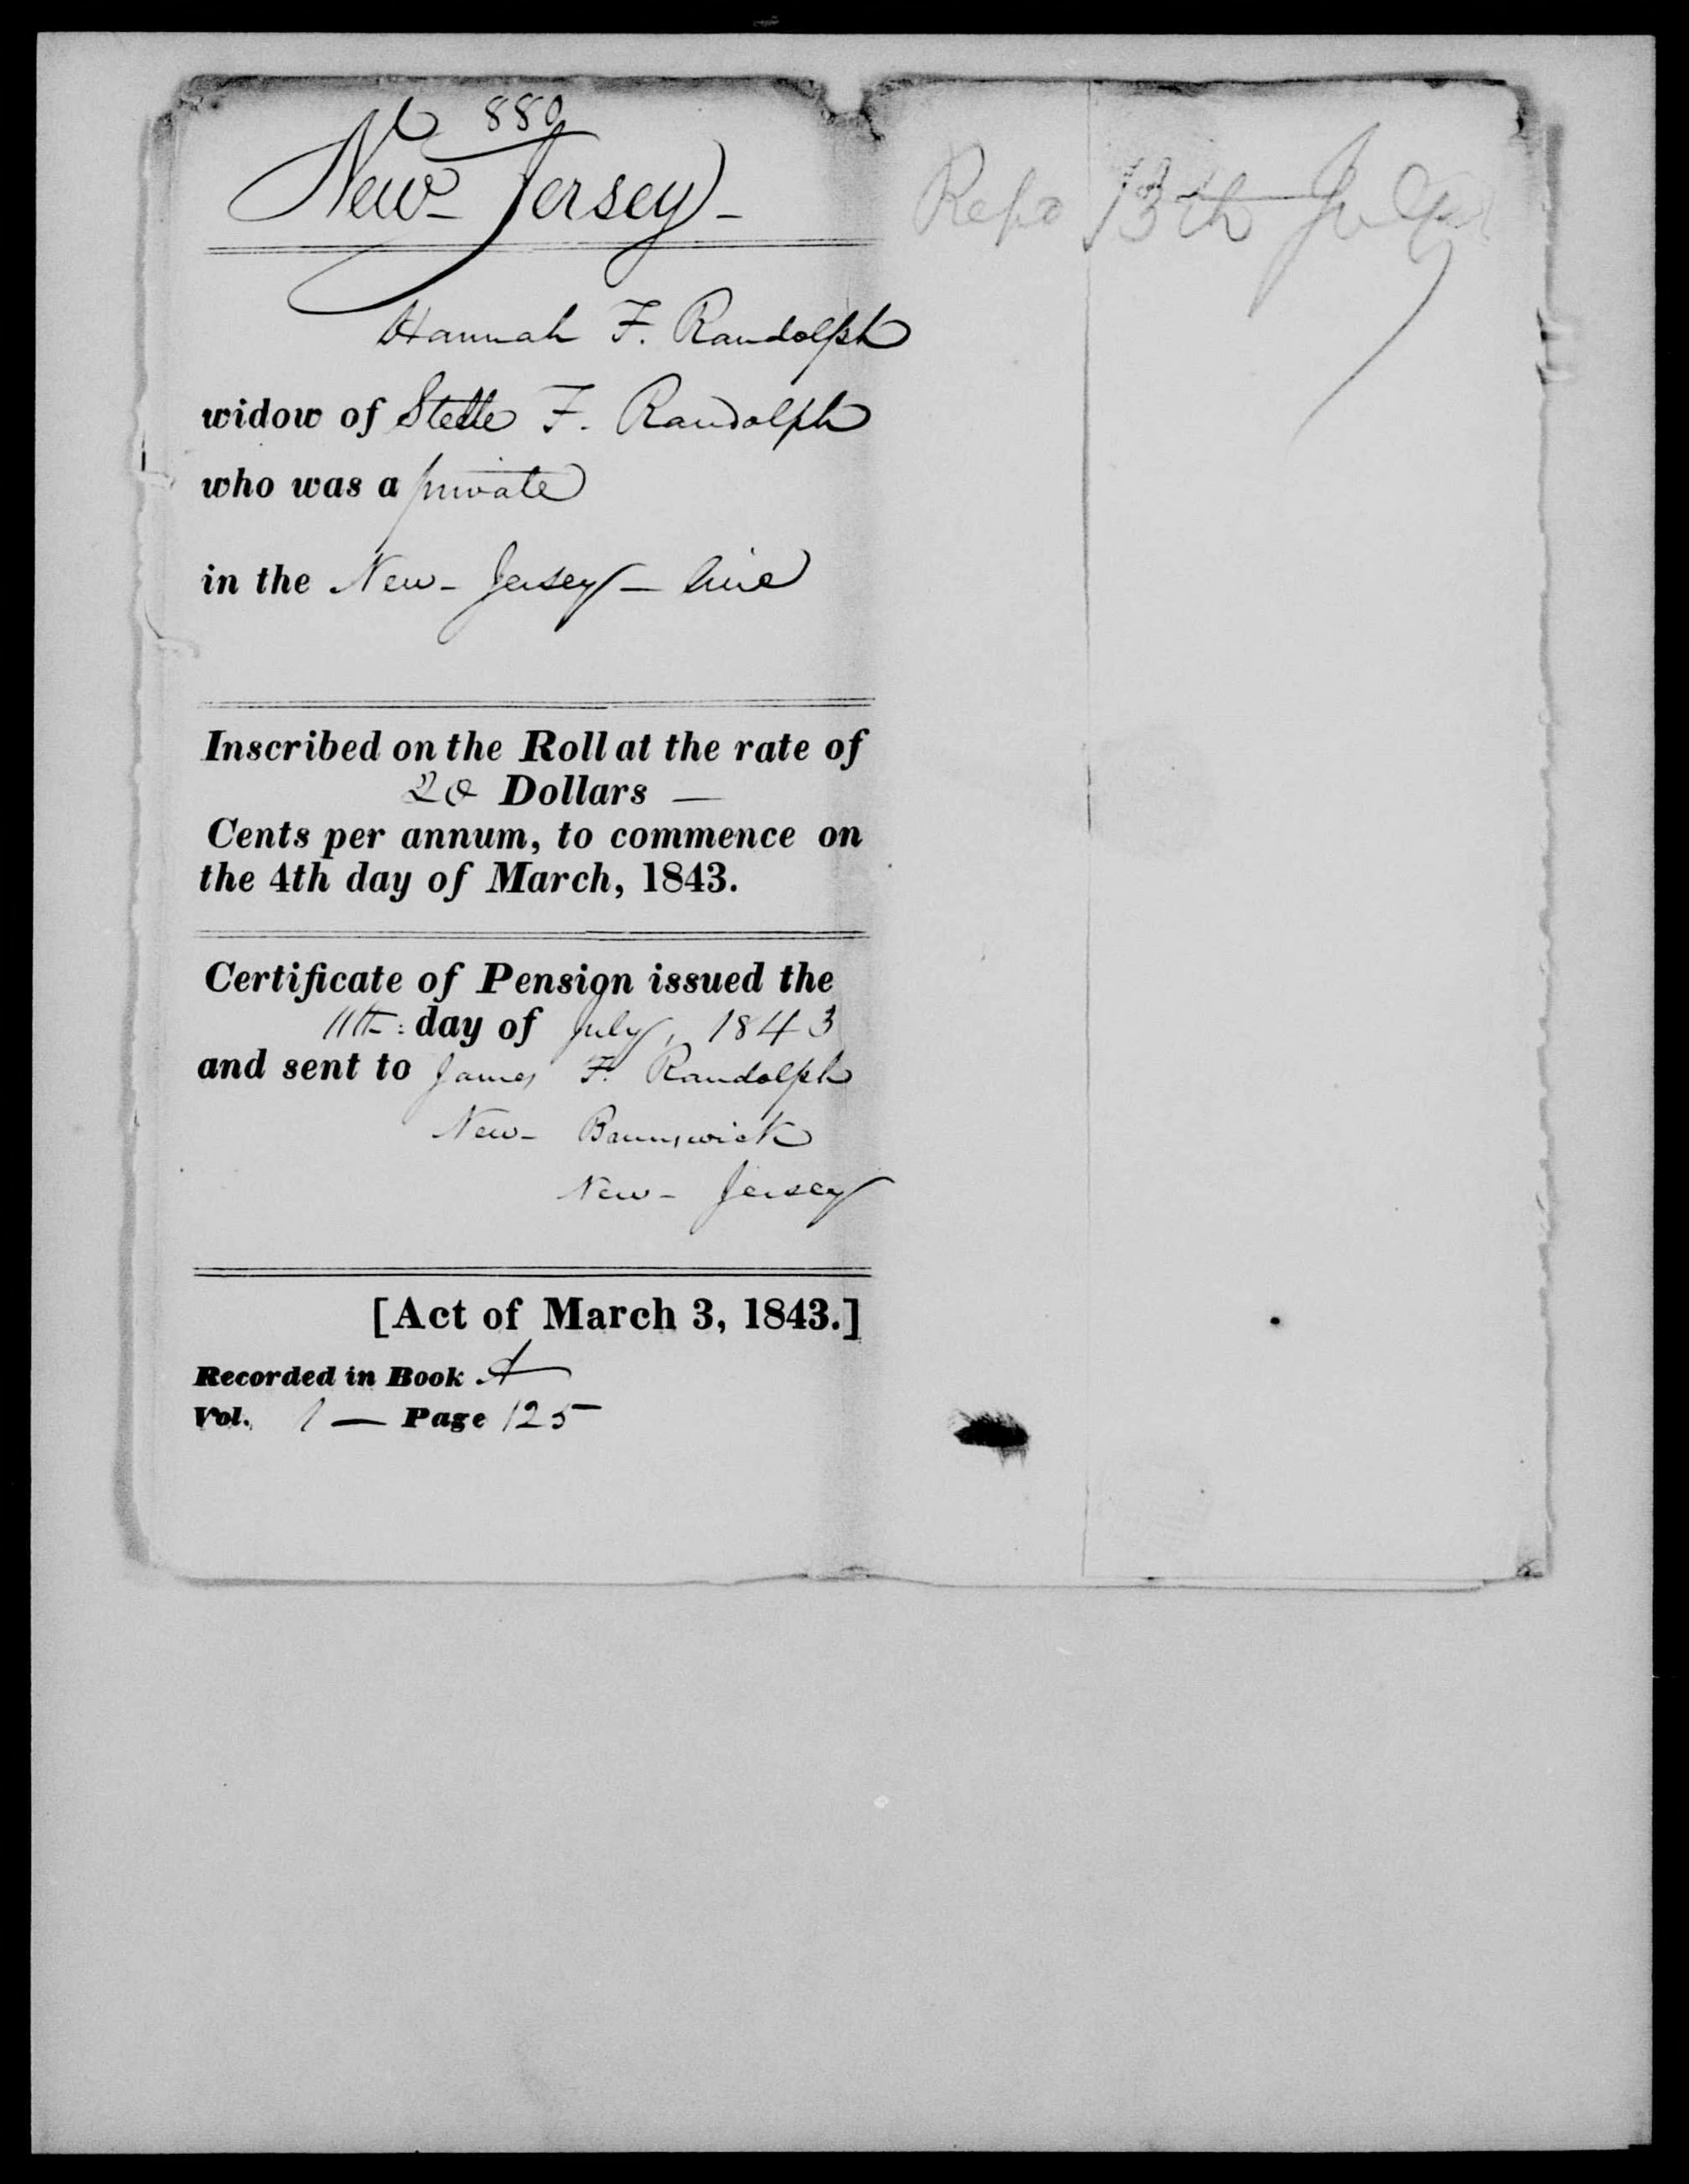880
New Jersey
Hannah F. Randolph
widow of Stelle F. Randolph
who was a private
in the New Jersey line
Inscribed on the Roll at the rate of
20 Dollars - Cents per annum, to commence on the 4th day of March, 1843.
Certificate of Pension issued the 11th day of July, 1843 and sent to James F. Randolph
New Bannewick
New Jersey
[Act of March 3, 1843.]
Recorded in Book A
Vol 1 Page 125
Repo 13th July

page: 17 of 33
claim: widow's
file: W. 5,665, for Stelle F Randolph, New Jersey